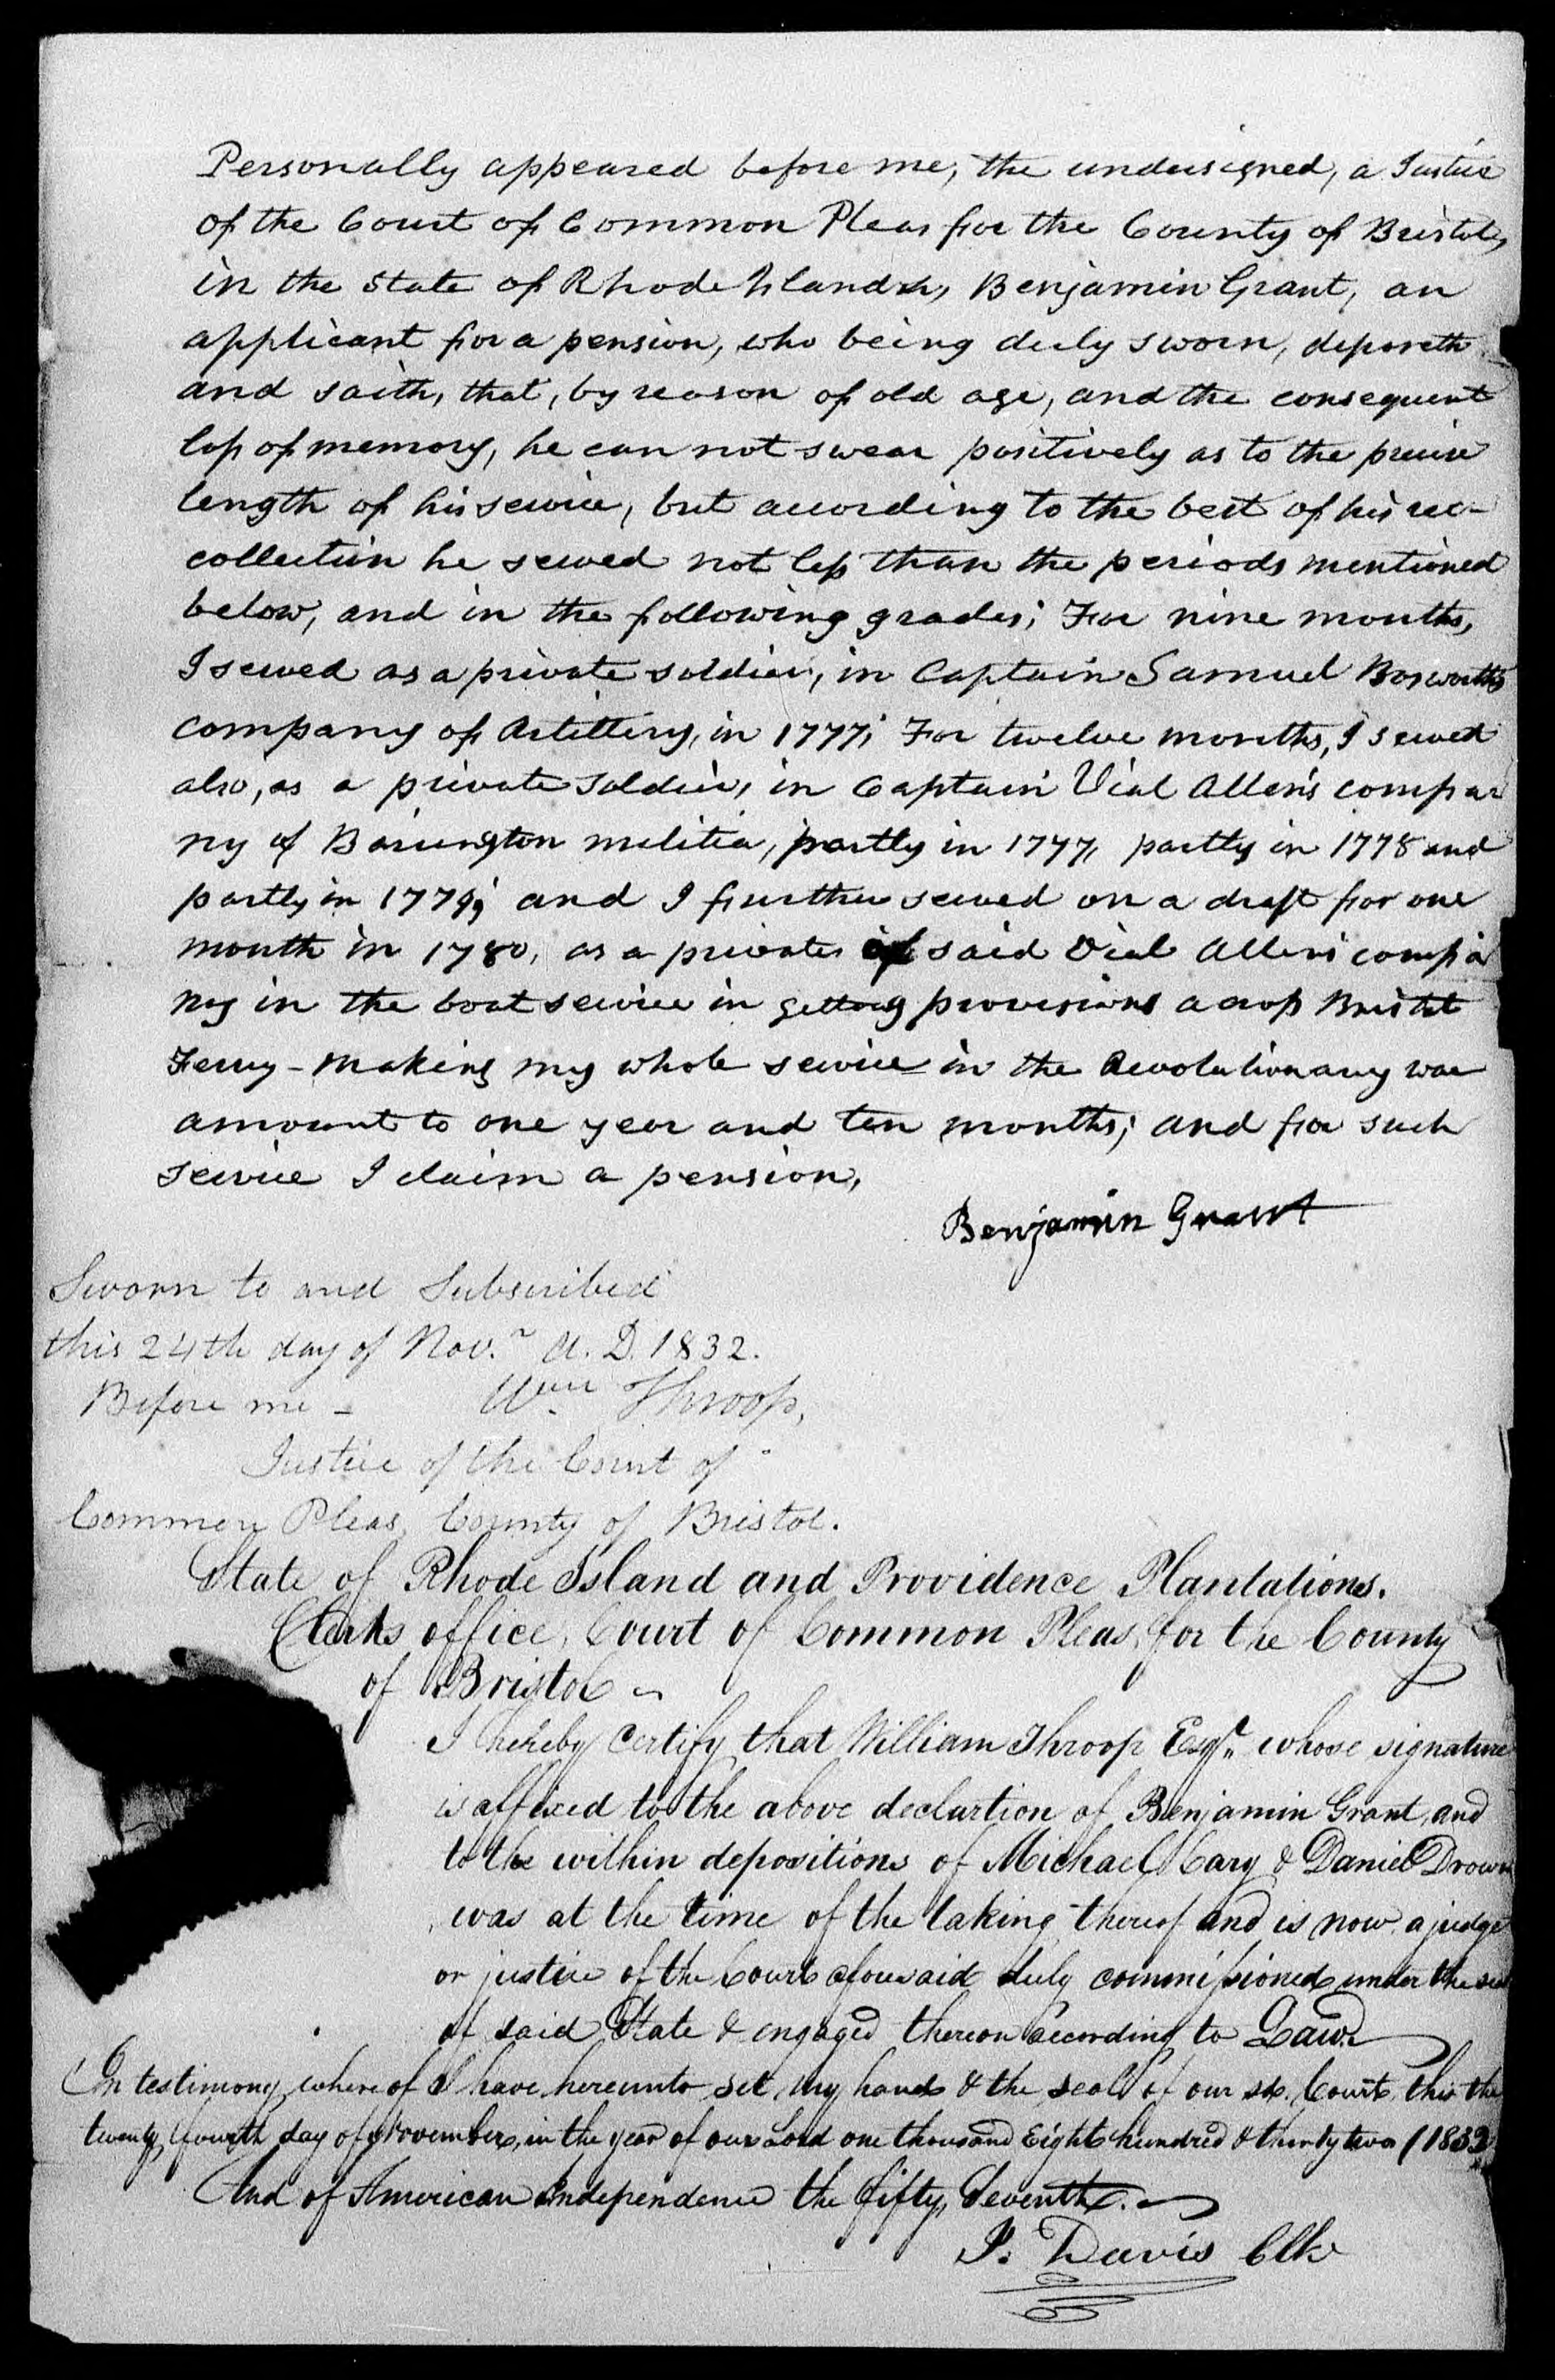Personally appeared before me, the undersigned, a Justice of the Court of Common Pleas for the County of Bristol, in the State of Rhode Island, Benjamin Grant, an applicant for a pension, who being duly sworn, deposeth and saith, that, by reason of old age, and the consequent loss of memory, he can not swear positively as to the precise length of his service, but according to the best of his recollection he served not less than the periods mentioned below, and in the following grades; For nine months, I served as a private soldier, in Captain Samuel Bosworths [Bosworth's] company of Artillery, in 1777; For twelve months, I served also, as a private soldier, in Captain Vial [Viall] Allen's company of Barrington militia, partly in 1777, partly in 1778 and partly in 1779; and I further served on a draft for one month in 1780, as a private of said Vial [Viall] Allen's company in the boat service in getting provisions across Bristol Ferry - making my whole service in the Revolutionary war amount to one year and ten months; and for such service I claim a pension.
Benjamin Grant

Sworn to and Subscribed this 24th day of Novr. A. D. 1832.
Before me - Wm. Throop, Justice of the Court of Common Pleas, County of Bristol.

State of Rhode Island and Providence Plantations.
Clerks office, Court of Common Pleas for the County of Bristol -
I hereby certify that William Throop Esqr. whose signature is affixed to the above declaration of Benjamin Grant, and to the within depositions of Michael Cary & Daniel Brown was at the time of the taking thereof and is now a judge or justice of the Court aforesaid duly commissioned under the seal of said State & engaged therein according to Law.

In testimony whereof I have hereunto set my hands & the seal of our sd [said] Court, this the twenty fourth day of November, in the year of our Lord one thousand Eight hundred & thirty two (1832) And of American Independence the fifty Seventh.
I. Davis Clk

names: I Davis, William Throop, Daniel Drown, Michael Cary, Benjamin Grant, Wm Throop, Benjamin Grant, Benjamin Grant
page: 19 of 21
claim: survivor's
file: S. 17,446, Benjamin Grant, R.I.